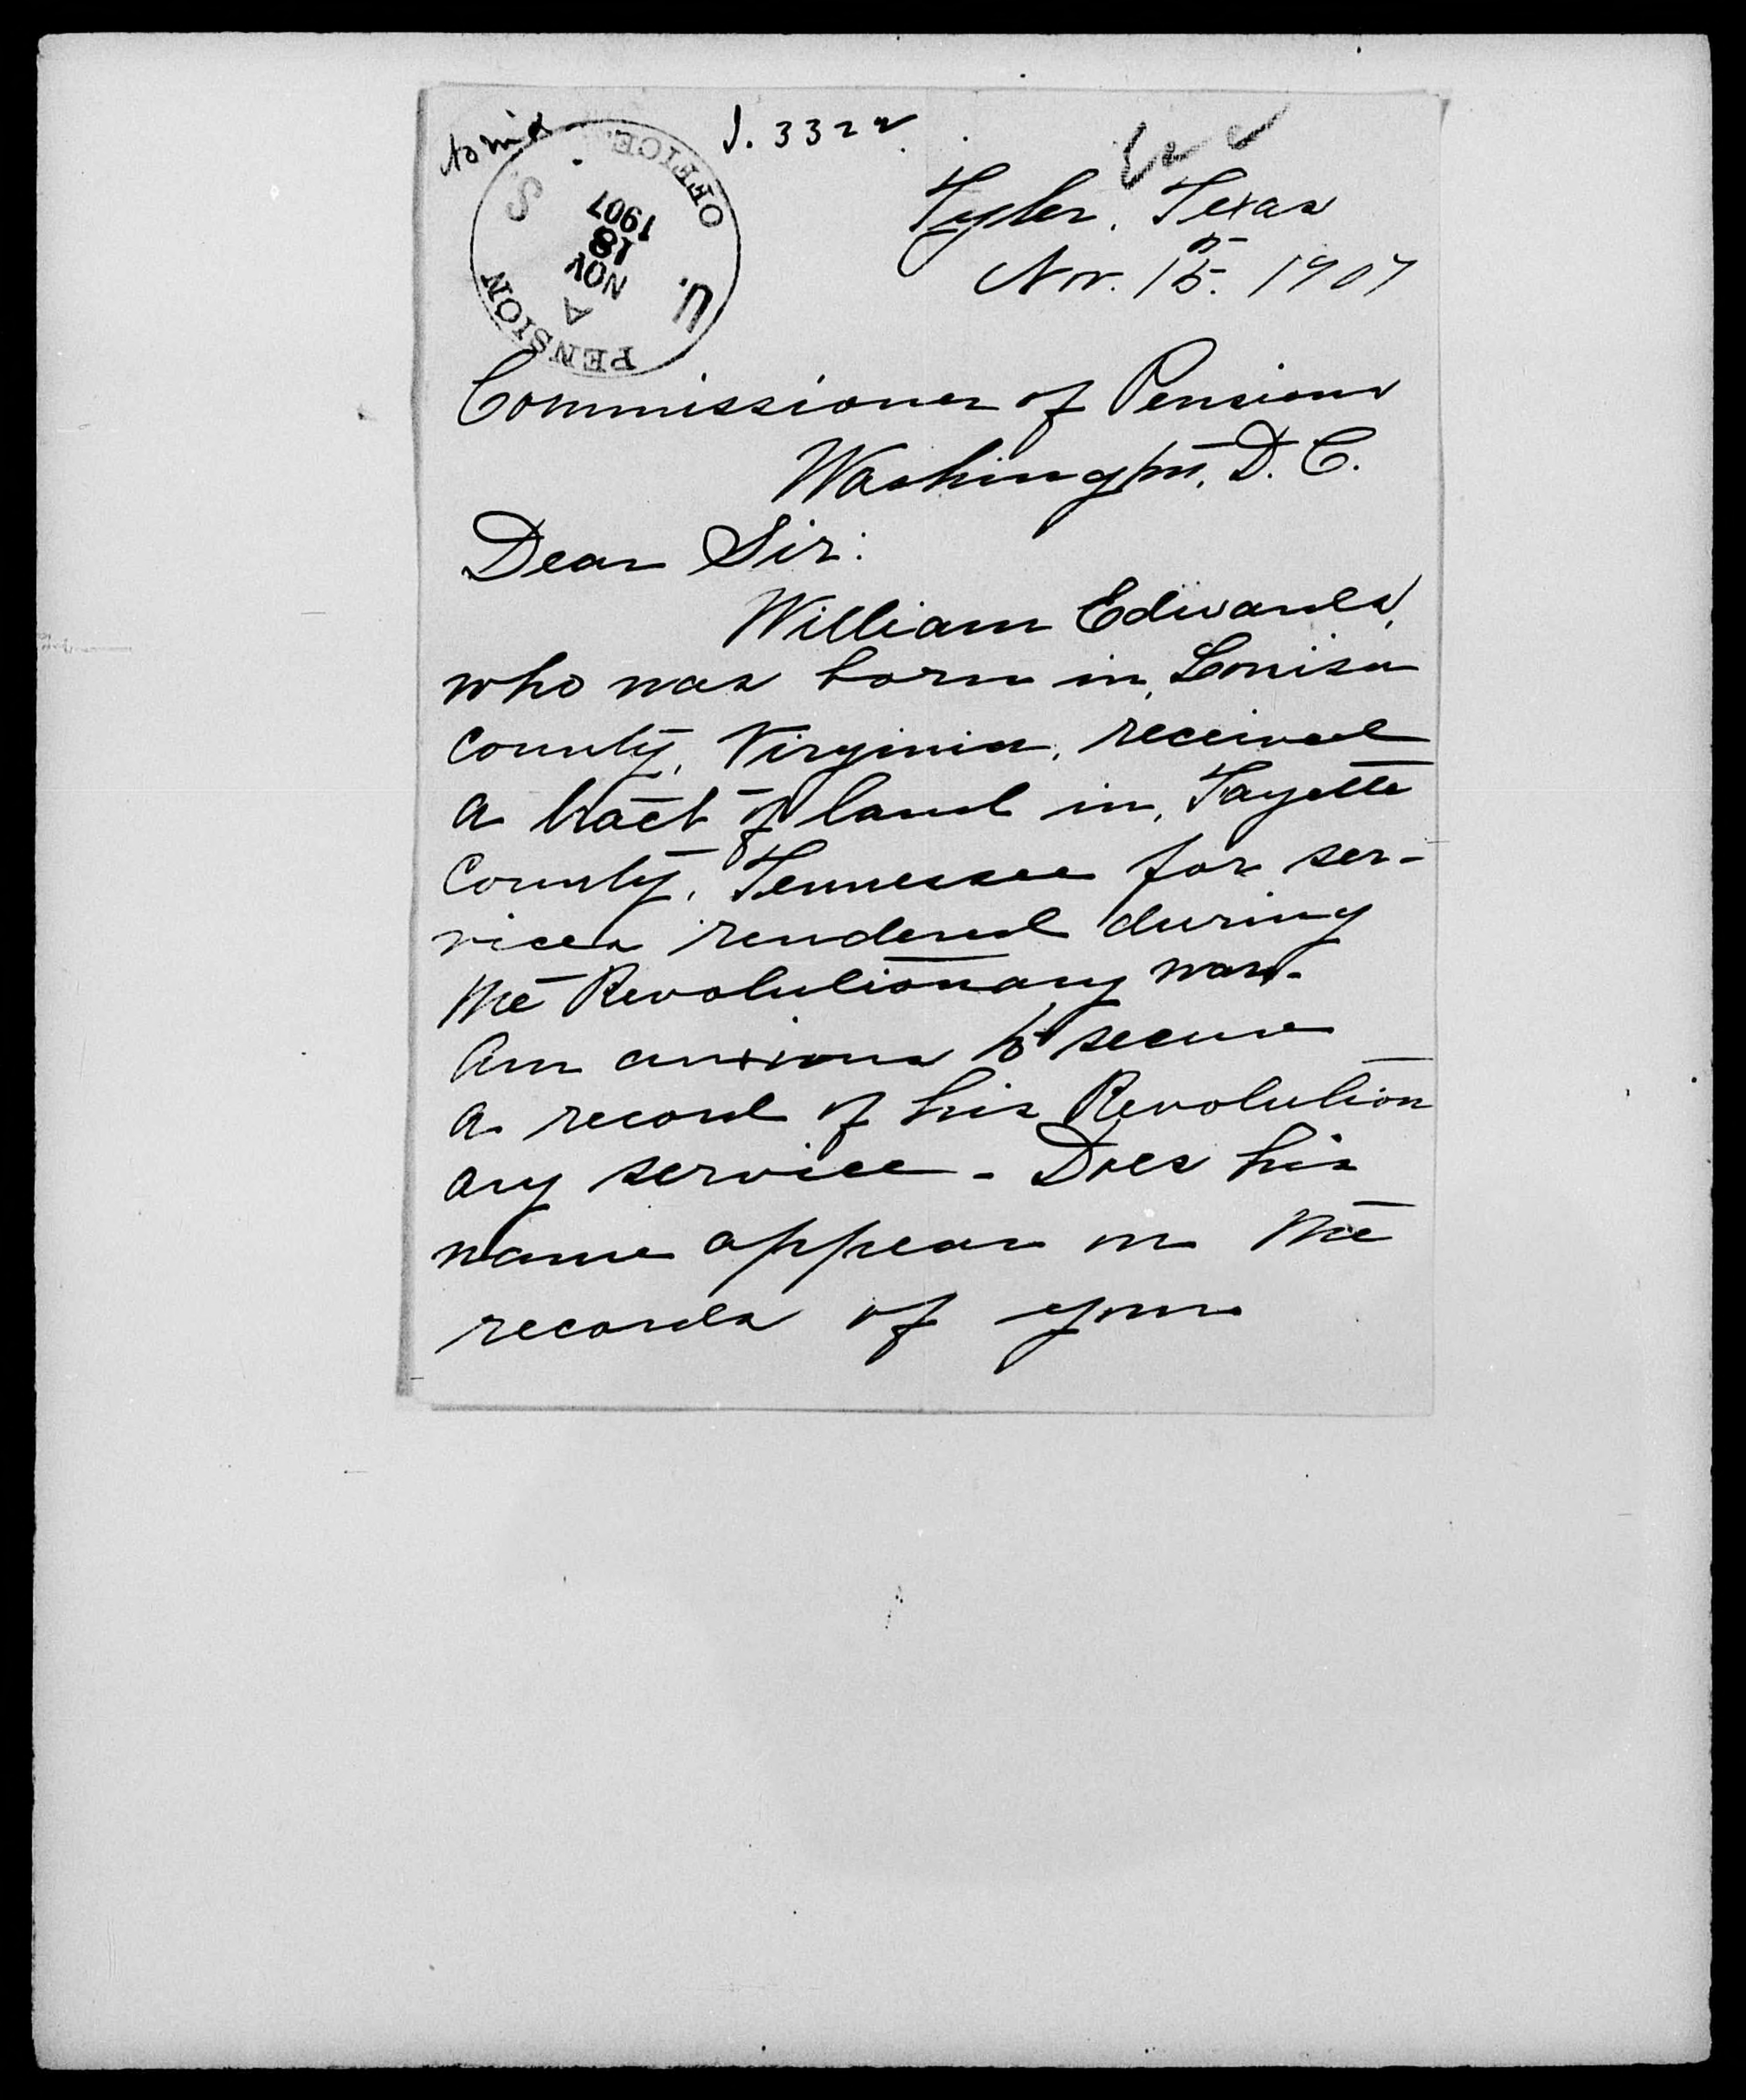to mid S. 3322
Tyler, Texas
Nov. 15th 1907

Commissioner of Pensions
Washington, D.C.
Dear Sir:
William Edwards, who was born in Louisa County, Virginia, received a tract of land in, Fayette County, Tennessee for services rendered during the Revolutionary war. Am anxious to receive a record of his Revolutionary service - Does his name appear in the records of your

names: William Edwards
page: 40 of 47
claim: survivor's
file: S. 3,322, William Edwards, Va.